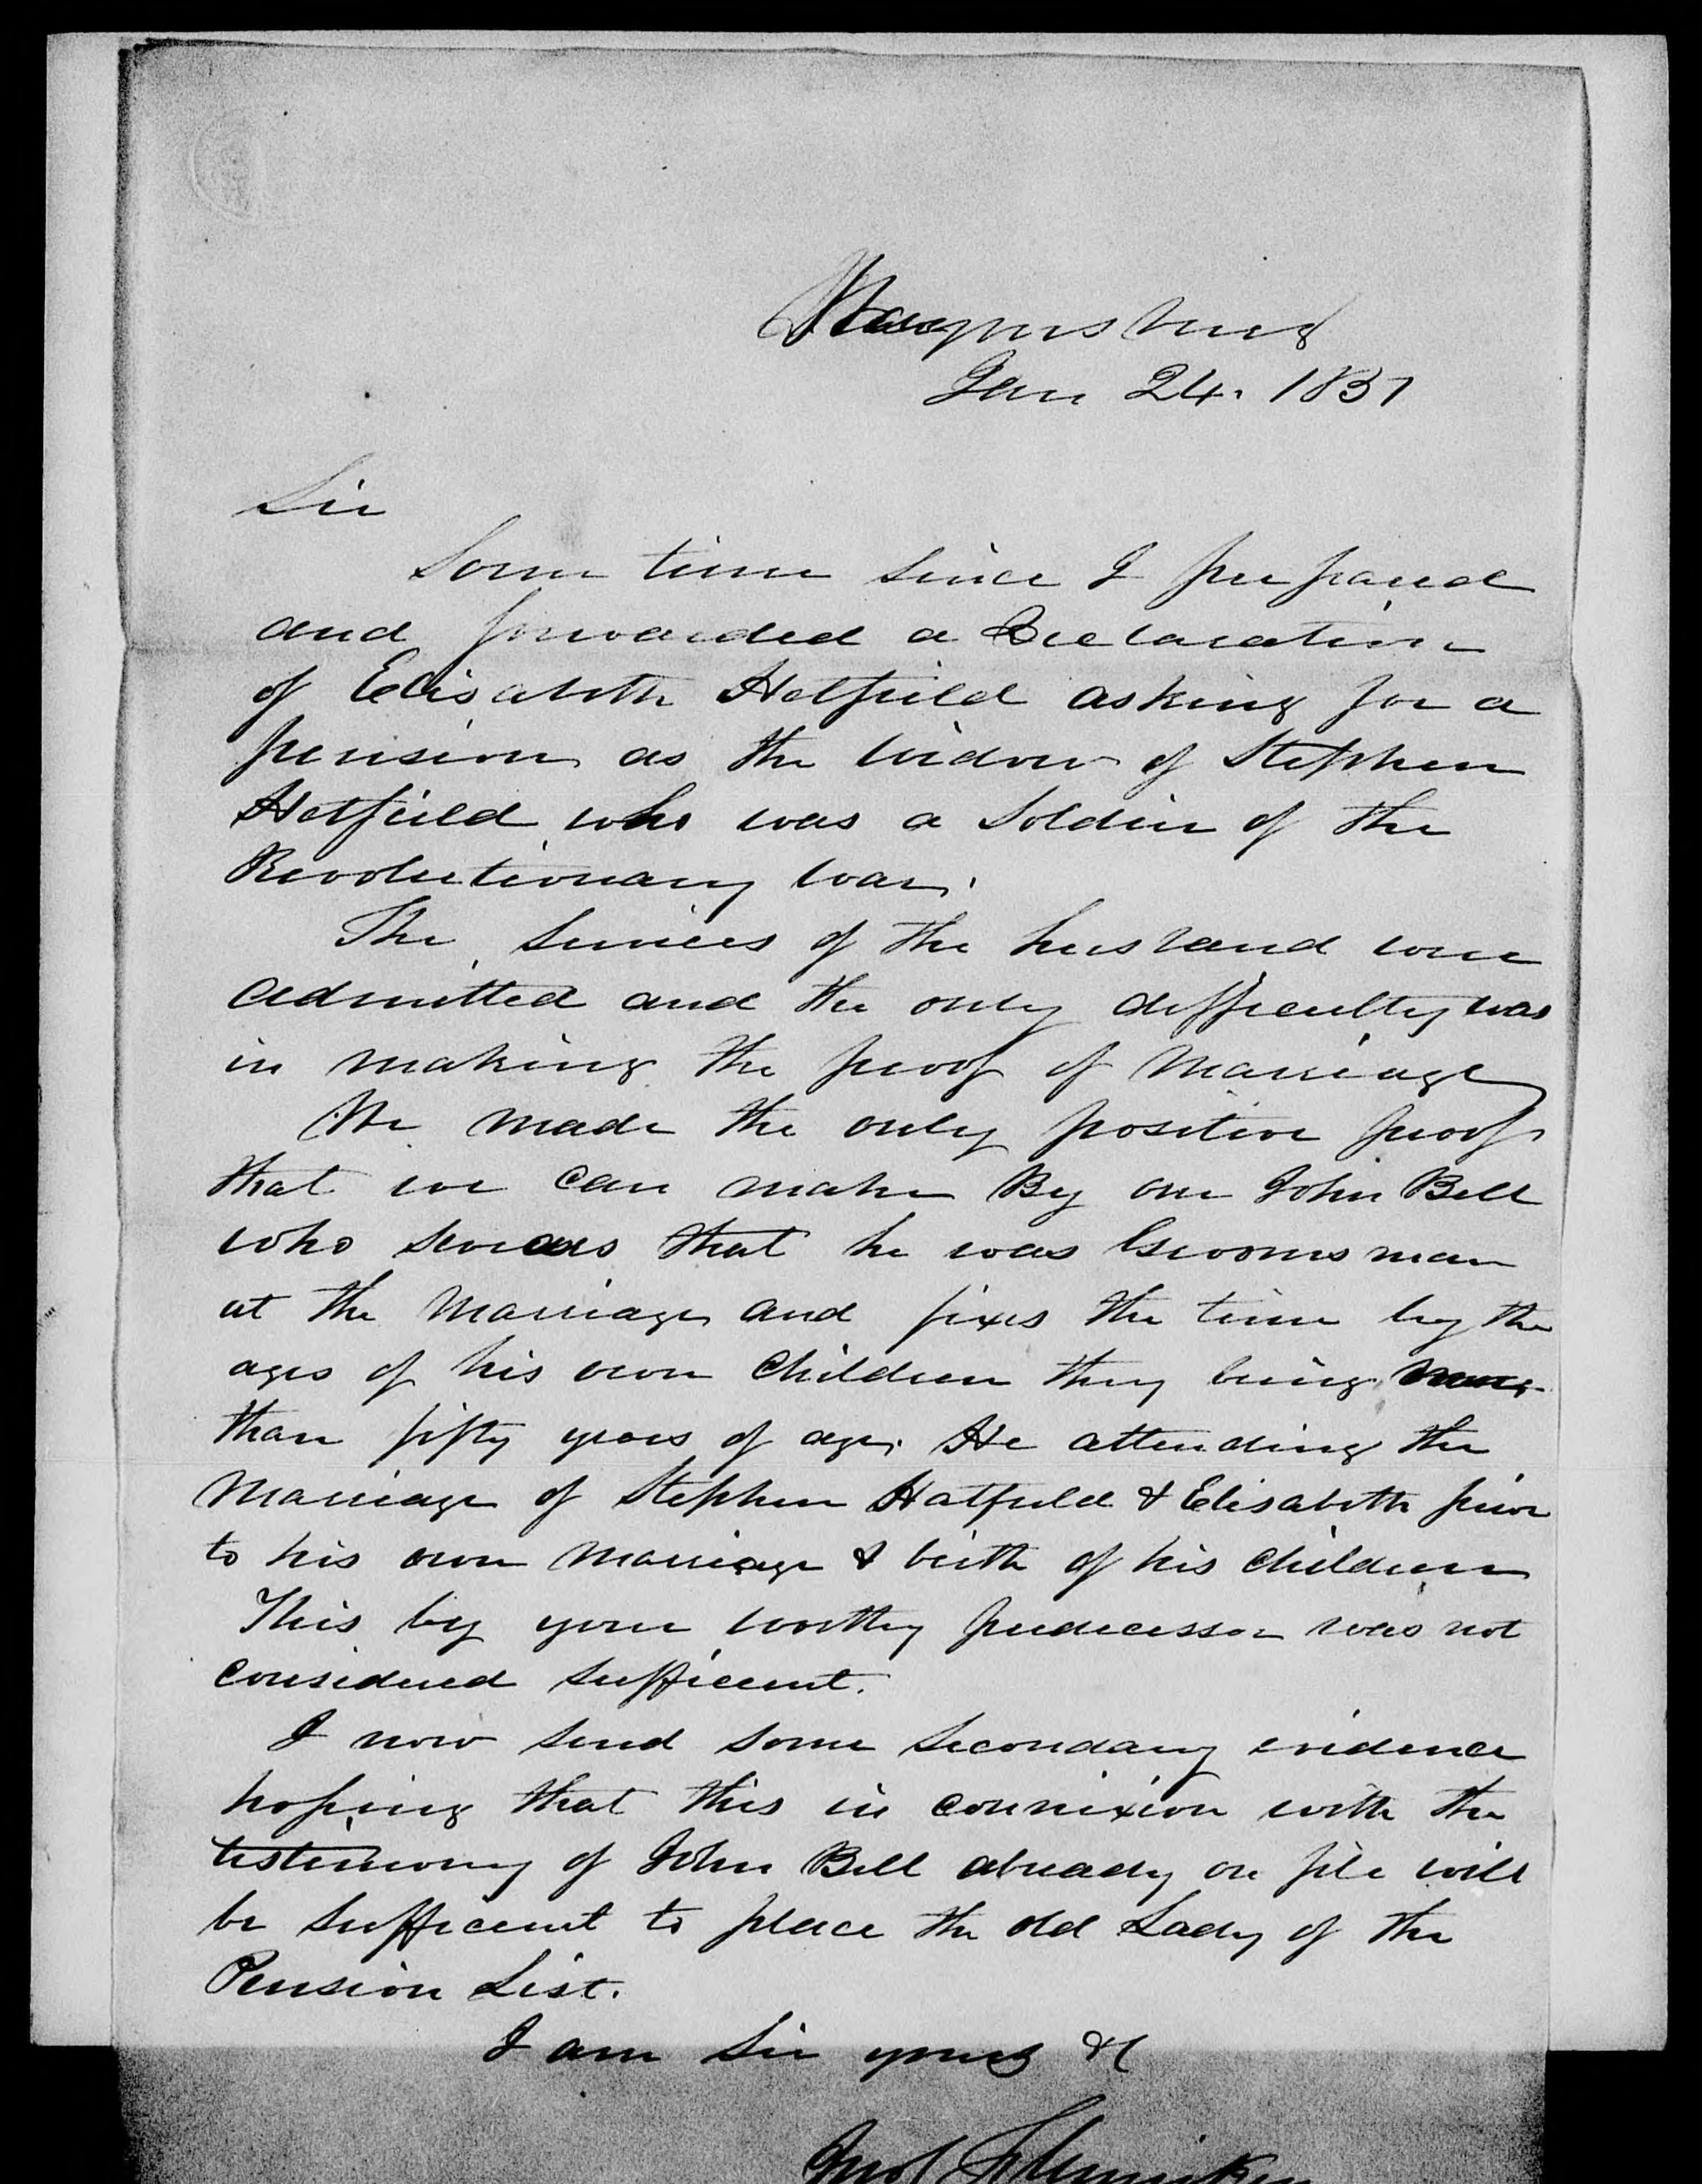Waynesburg
Jan. 24, 1837

Sir
Some time since I had prepared
and forwarded a Declaration
of Elisabeth Hetfield asking for a
pension as the widow of Stephen
Hatfield who was a Soldier of the
Revolutionary War.
The Services of the husband were
admitted and his only difficulty was
in making the proof of Marriage
We made the only positive proof
that we can make By one John Bell
who swears that he was Groomsman
at the Marriage and fixes the time by the
ages of his own children they being more
than fifty years of age. He attending the
Marriage of Stephen Hatfield & Elisabeth prior
to his own marriage & birth of his children
This by your worthy predecessor was not
considered sufficient.
I now send some secondary evidence
hoping that this in connixion with the
testimony of John Bell already on file will
be Sufficient to place the old Lady of the
Pension List.
I am Sir yours &
Jno C Flenniken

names: Elisabeth Hetfield, Jno C Flinncker, Stephen Hetfield, Elisabeth, John Bell, John Bell, Stephen Hatfield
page: 37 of 45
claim: widow's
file: W. 2734, Stephen Hetfield, New Jersey